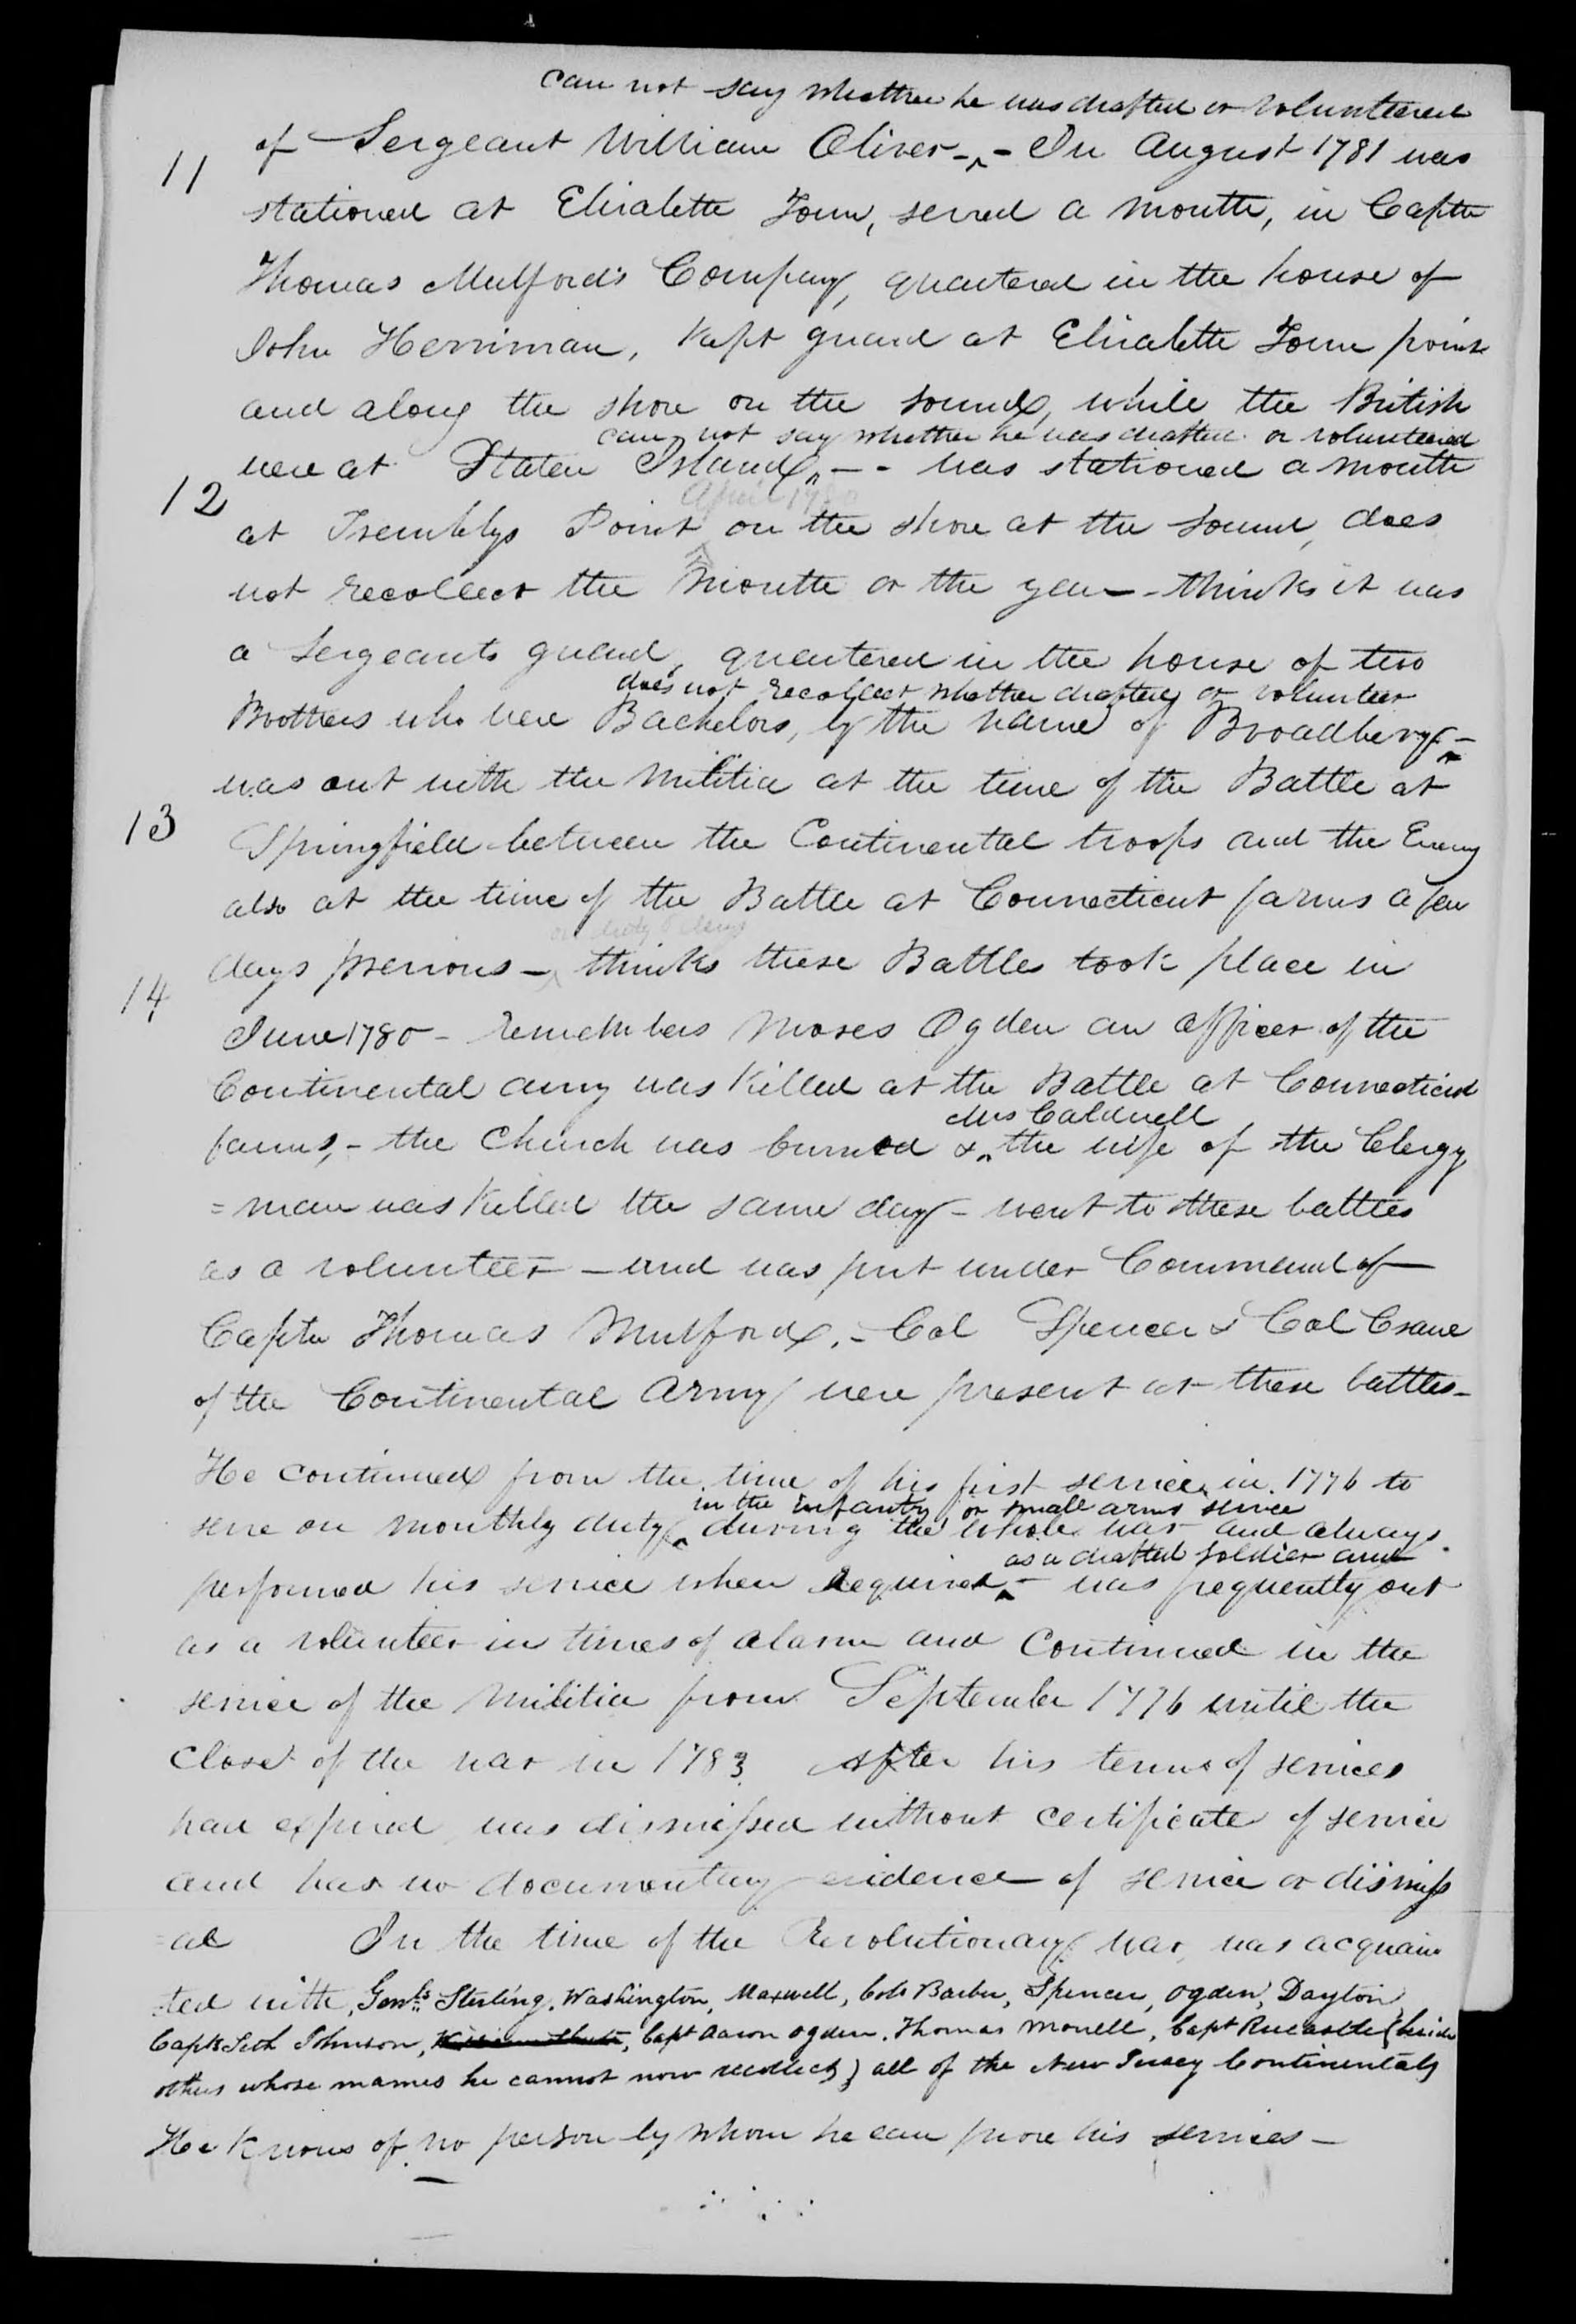11   of Sergeant William Oliver can not say whether he was drafted or volunteered.  In August 1781 was
stationed at Elizabeth Town, served a month, in Captn 
Thomas Mulford's company, quartered in the house of
John Herriman, kept guard at Elizabeth Town point
and along the shore on the sound while the British
12   were at Staten Island, can not say whether he was drafted or volunteered, was stationed a month
at Tremley Point on the shore at the sound, does
not recollect the month or the year - thinks it was
a Sergeant guard, quartered in the house of two
brothers who were bachelors, by the name of Broadbery -
was out with the militia at the time of the Battle at
13   Springfield between the Continental troops and the enemy
also at the time of the Battle at Connecticut Farms a few
days memories - thinks these Battles took place in
14   June 1780 - remembers Moses Ogden an officer of the
Continental army was killed at the Battle at Connecticut
Farms, - the church was burnt & Mrs Calwell the wife of the Clergyman
was killed the same day - went to these battles as a volunteer - and was put under command of
Captn Thomas Mulford, - Col Spencer & Col Crane
of the Continental Army were present at these battles-

He continued from the time of his first service in 1776 to
??? on monthly duty in the infantry or ??? army service the whole war and always
performed his service when required as a drafted soldier and was frequently out
as a volunteer in times of alarm and continued in the
service of the militia from September 1776 until the
close of the war in 1783.  After his terms of services
and has no documentary evidence of service or dismissal.
In the time of the Revolutionary War, was acquainted 
with Genls Sterling, Washington, Maxwell, Cols Barber, Spencer, Ogden, Dayton, Captns Seth Johnson, Capt Aaron Ogden, Thomas Monell, Capt Rucastle beside
others whose names he cannot now recollect, all of the New Jersey Continental, 
he knows of no person by whom he can prove his services-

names: William Oliver, Calduell, Aaron Ogden, Dayton, Thomas Mulford, Crane, Spencer, Sterling, Barber, Maxwell, Rucastle, Seth Johnson, Ogden, Spencer, John Herriman, Thomas Monell, Moses Ogden, Washington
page: 7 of 28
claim: survivor's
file: S 2464, John Conklin, New Jersey